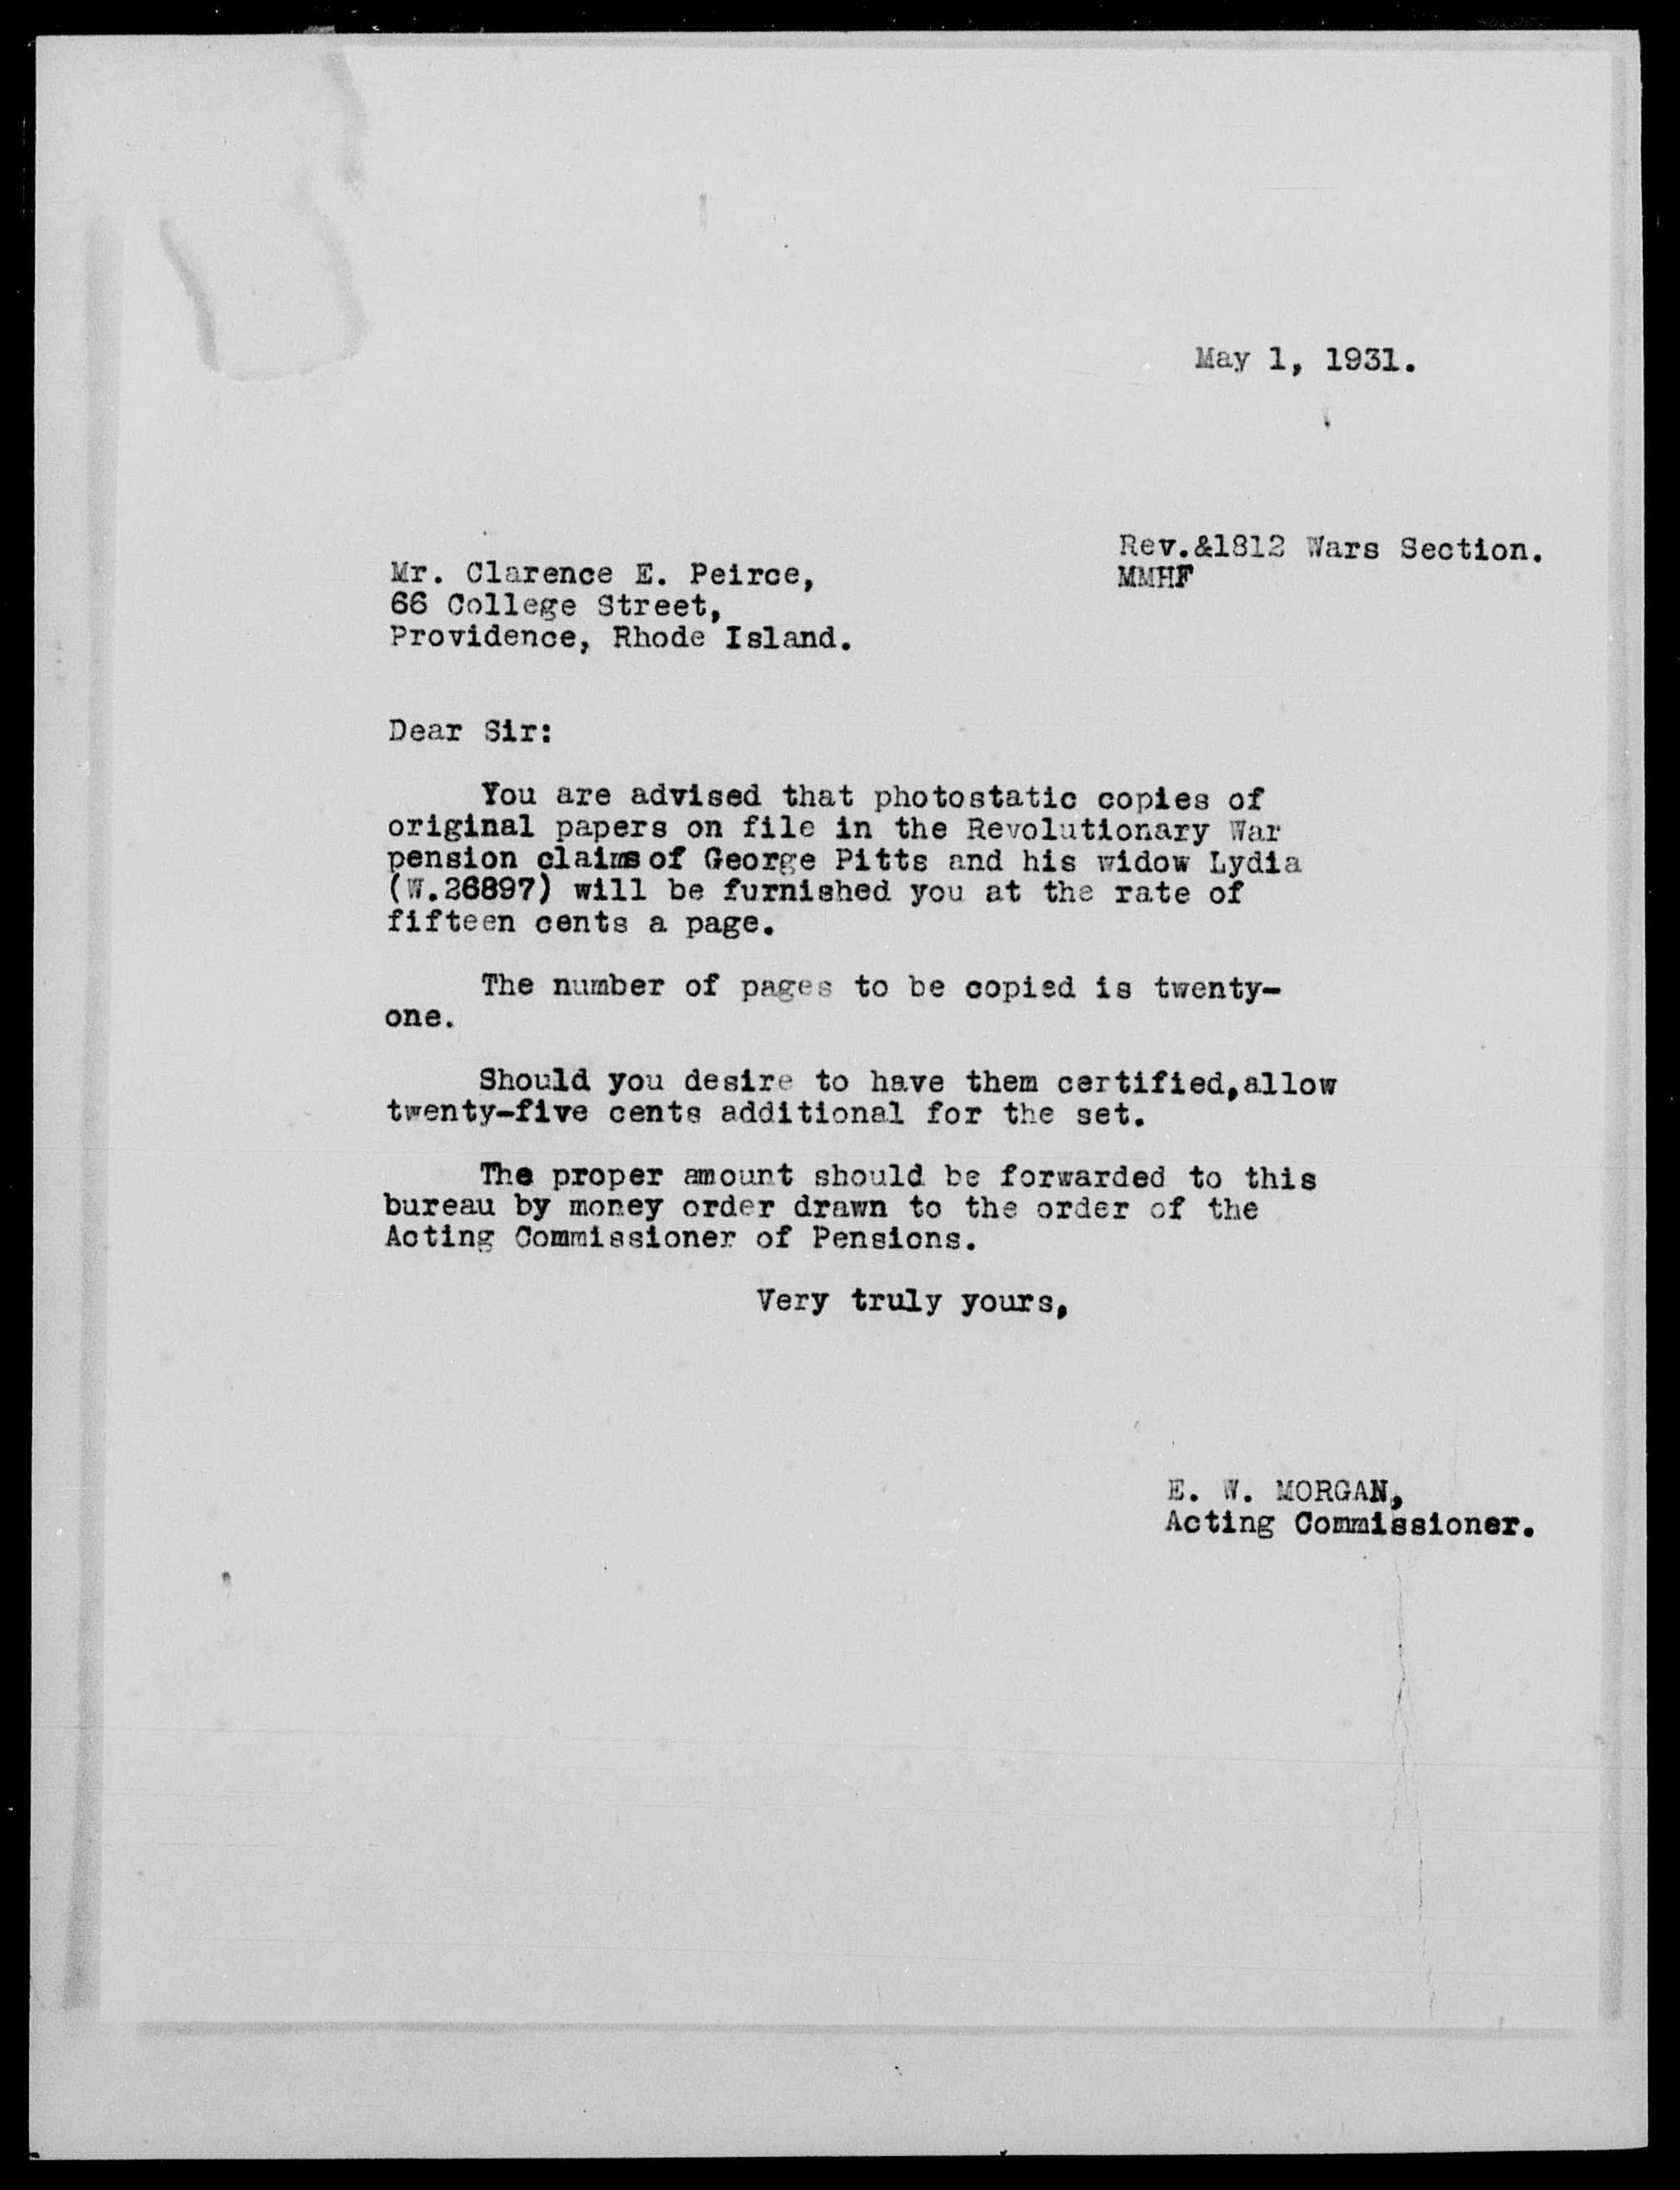Rev&1812 Wars Section. 
MMHF
Mr. Clarence E. Peirce,
66 College Street,
Providence, Rhode Island.
Dear Sir:
You are advised that photostatic copies of
original papers on file in the Revolutionary War
pension claim of George Pitts and his widow Lydia
( W.26897) will be furnished you at the rate of
fifteen cents a page.
The number of pages to be copied is twenty -
one.
Should you desire to have them certified, allow
twenty-five cents additional for the set.
The proper amount should be forwarded to this
bureau by money order drawn to the order of the
Acting Commissioner of Pensions.
Very truly yours,
E. W. MORGAN,
Acting Commissioner.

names: Clarence E Peirce; Lydia Pitts; George Pitts; E W Morgan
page: 42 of 54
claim: widow's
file: W. 26,897, for George Pitts, Massachusetts